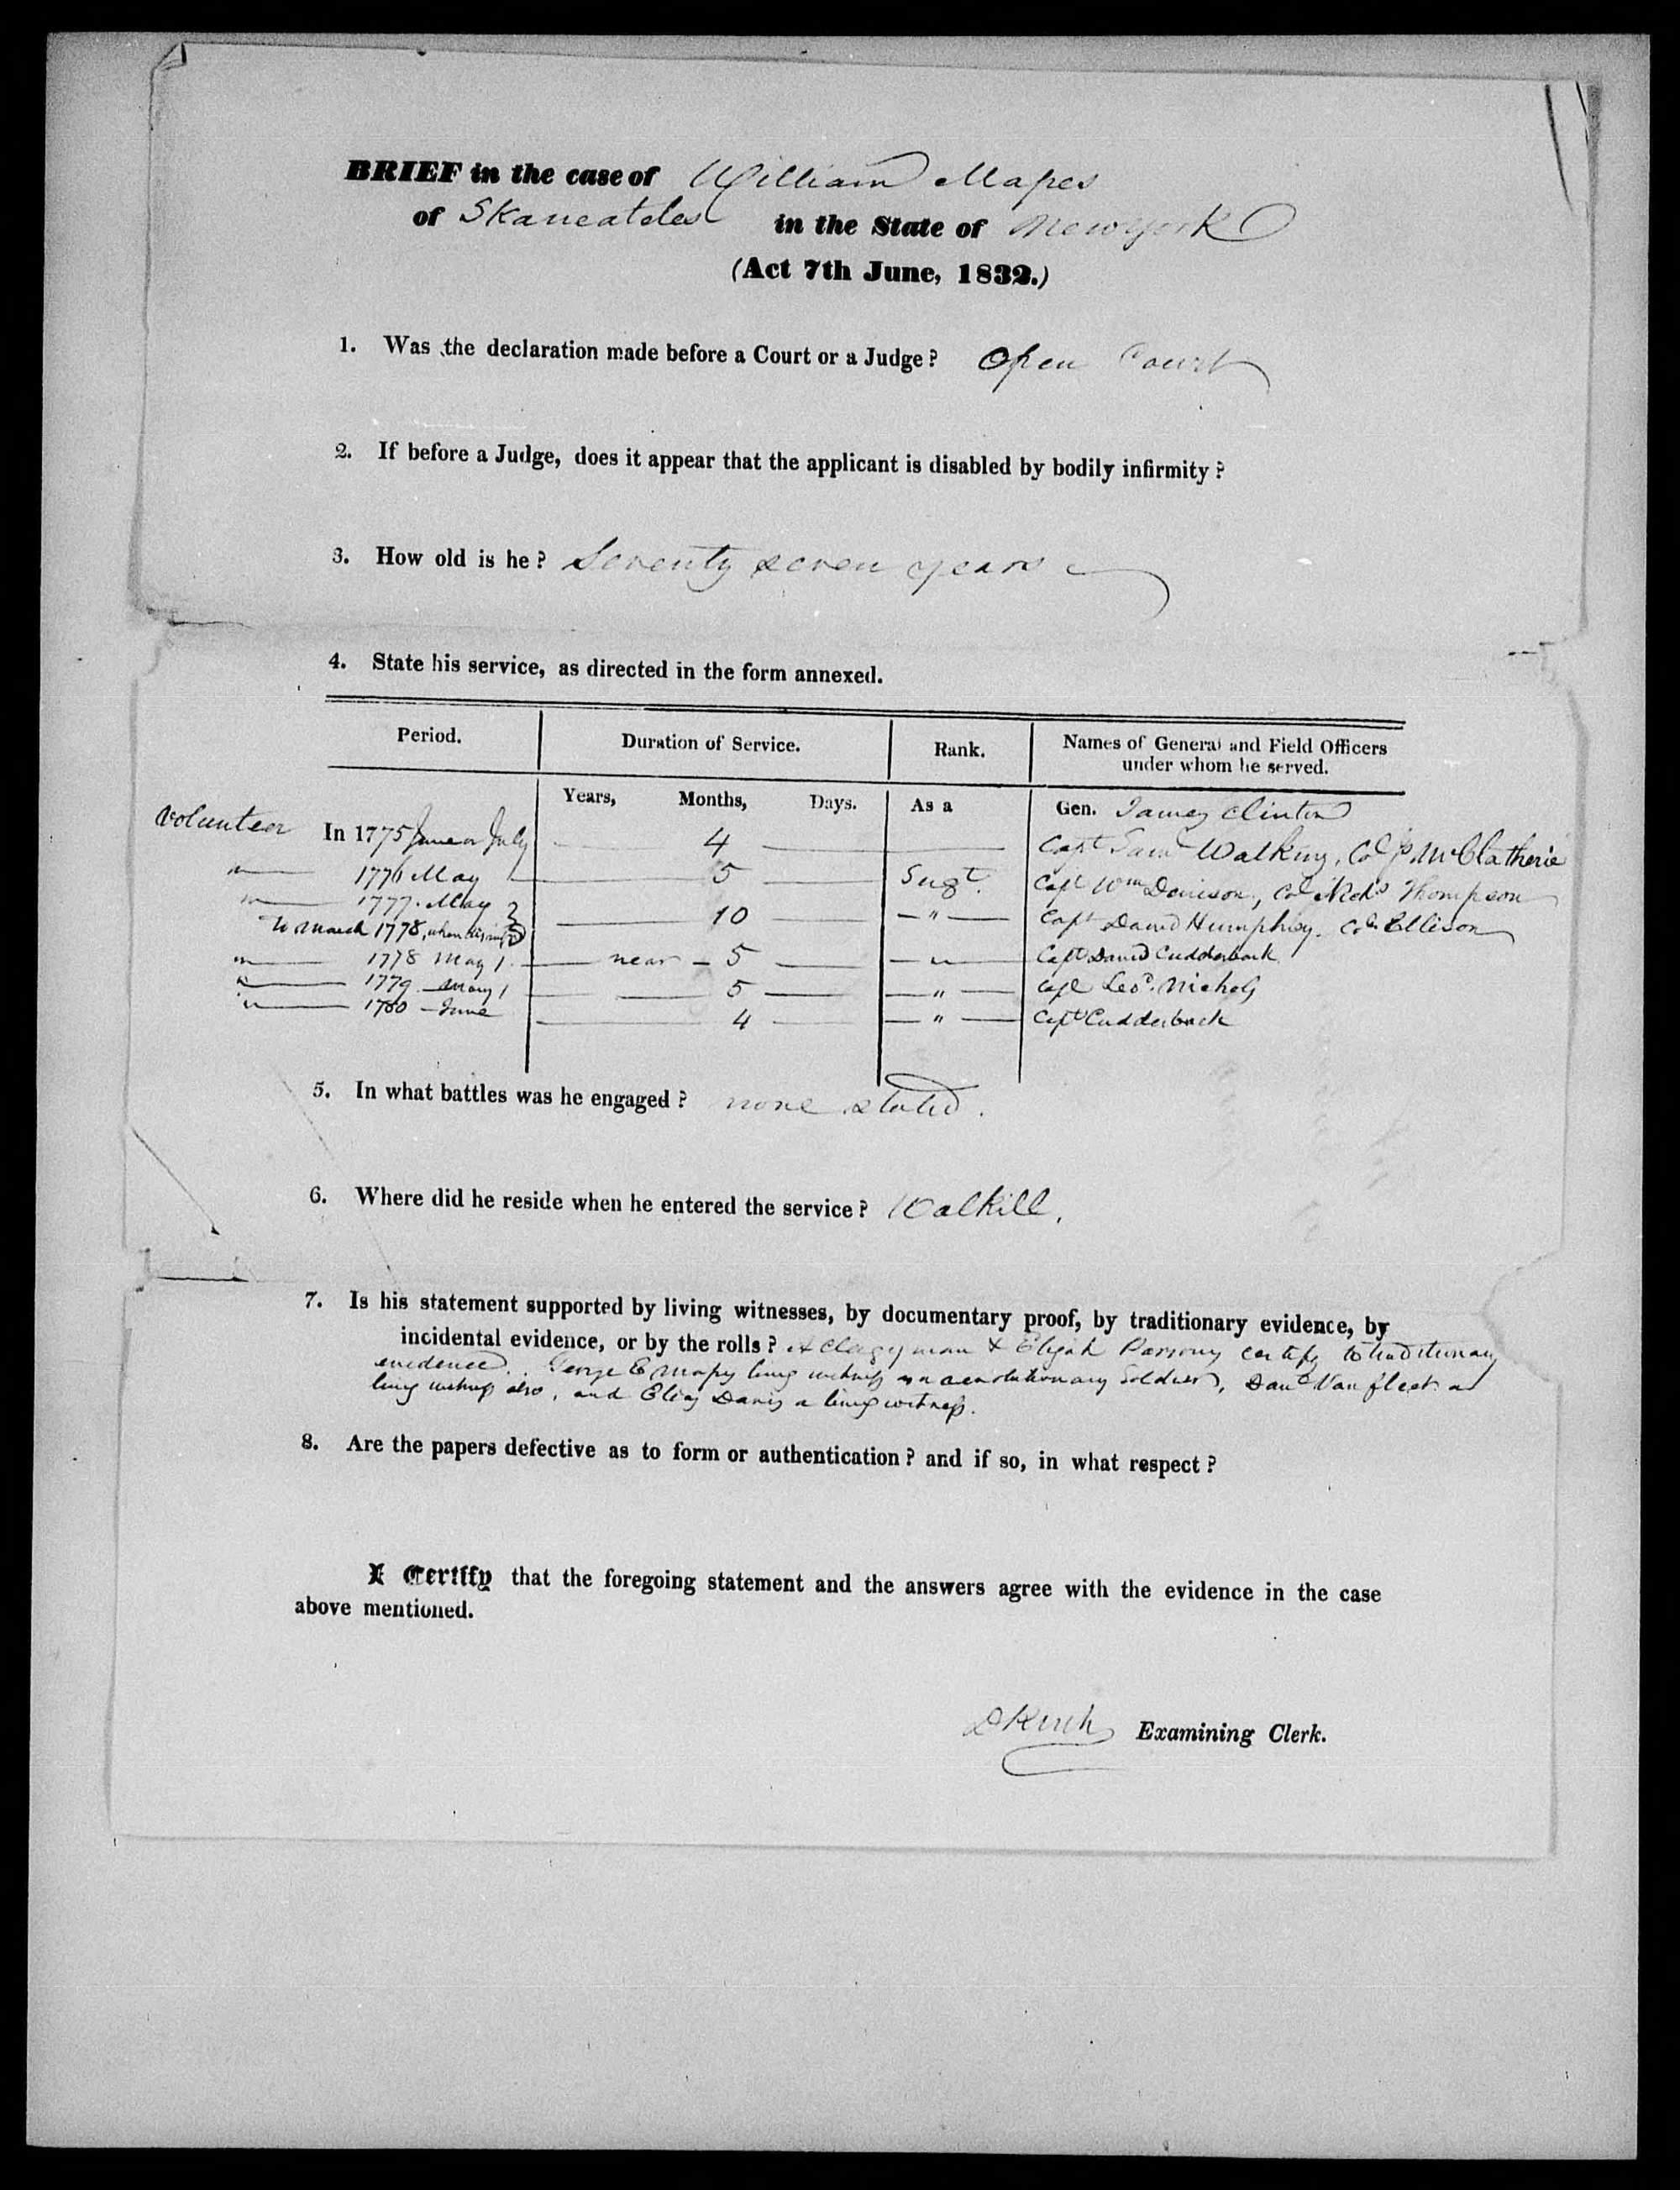BRIEF in the case of William Mapes 
of Skaneateles in the State of New York 
(Act 7th June, 1832.) 

1. Was the declaration made before a Court or a Judge? 
Open Court 

2. If before a Judge, does it appear that the applicant is disabled by bodily infirmity? 

3. How old is he? 
Seventy seven years- 

4. State his service, as directed in the form annexed. --- 

Period. 
Volunteer In 1775 June or July 
“”  1776 May 
“”.  1777 May 
To March 1778, when [discharged?]
“”. 1778 May 1
“”. 1779 May 1
“” 1780 June

Duration of Service. 
Years
—-
—-
—-
—-
—-
—-
Months, 
4 
5 
10
—-
Near 5
5 
4 
Days
—-
—-
—-
—-
—-
—-

Rank, 
As a 
—-
Sergt
“”
“”
“”
“”

Names of General and Field Officers under whom he served. 
Gen. James Clinton
Capt Saml Walking, Col J.M.Clatherie
Capt, Wm Davison, Col Neh‘h Thompson
Capt. David Humphrey, Col Ellison
Capt, David Cudderback
Capt, Leo Nichols
Capt Cudderback

5. In what battles was he engaged? 
none stated 

6. Where did he reside when he entered the service? 
Walkill

7. Is his statement supported by living witnesses, by documentary proof, by traditionary evidence, by incidental evidence, or by the rolls? 
A clergyman  & Elijah Parsony certify to testimony evidence. George Emory being witness as a. revolutionary Soldier, Danl Vanfleet a living witness also, and Elias Davis a living witness 

8. Are the papers defective as to form or authentication? and if so, in what respect? 

CERTIFY that the foregoing statement and the answers agree with the evidence in the case above mentioned

D. Rush  Examining Clerk.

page: 4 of 30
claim: survivor's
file: S. 13,873, for William Mapes, New York